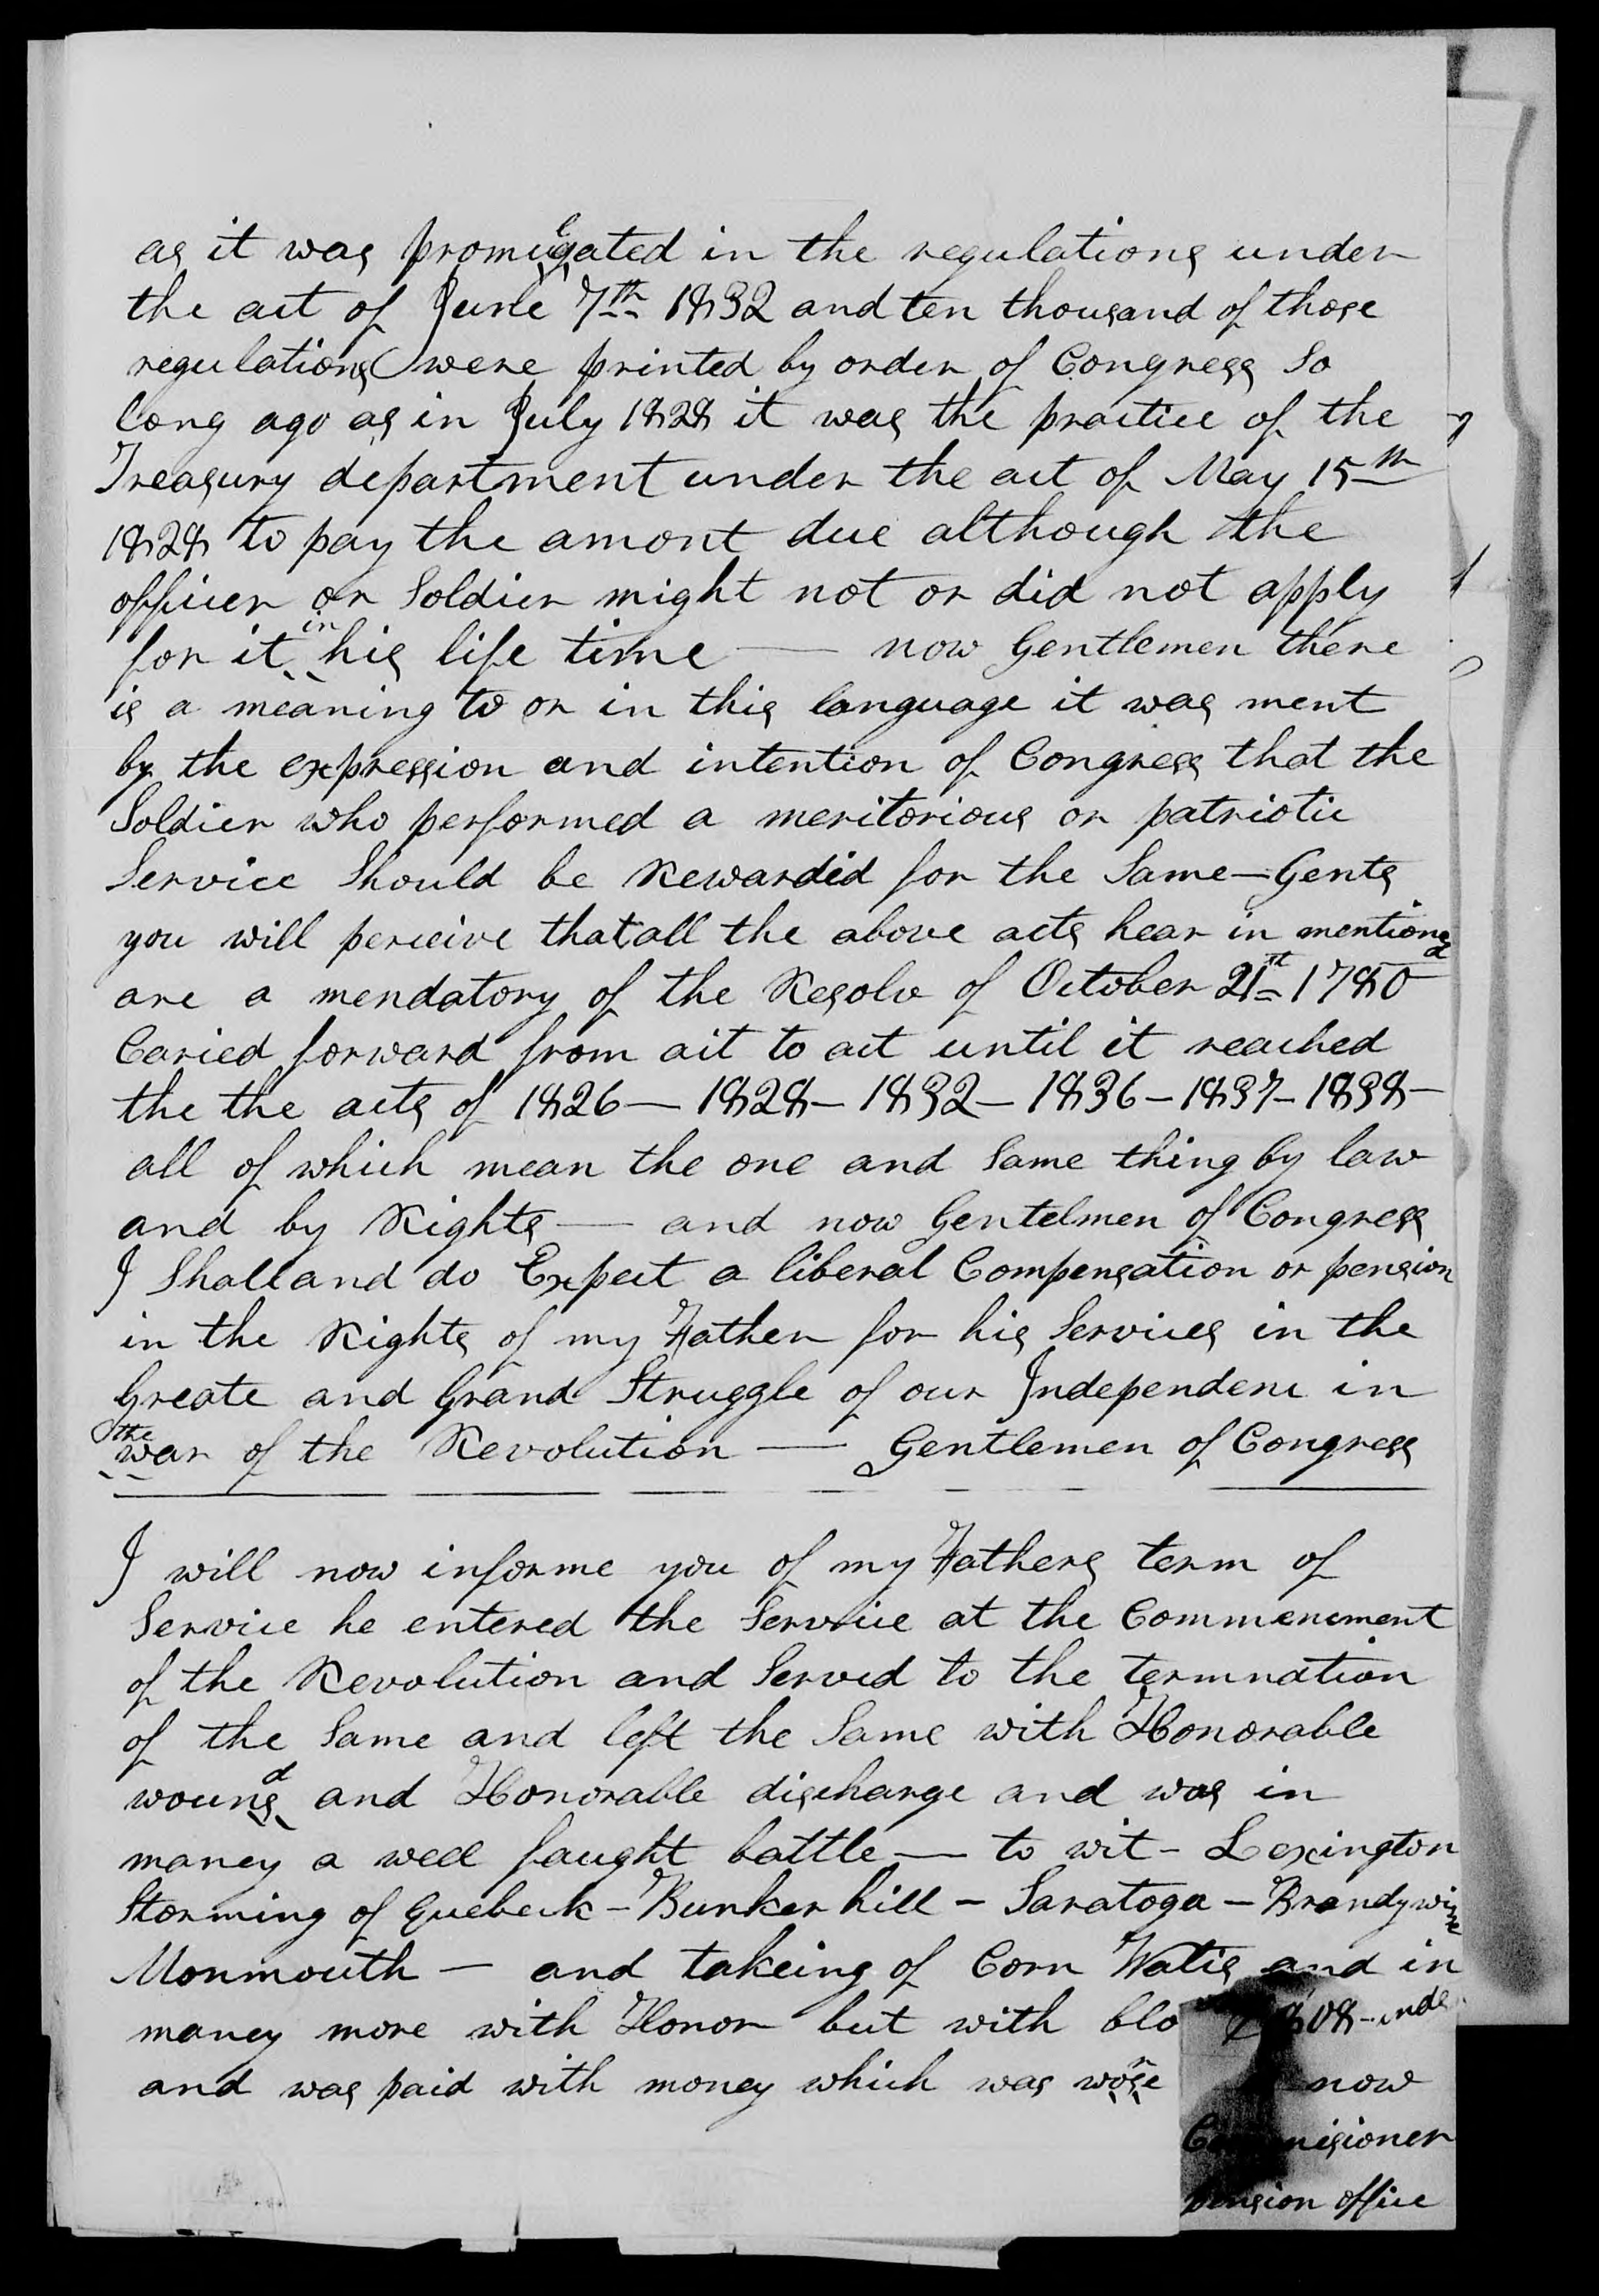as it was promulgated in the regulations under the act of June 7th 1832 and ten thousand of those regulations were printed by order of Congress so long ago as in July 1828 it was the practice of the Treasury department under the act of May 15th 1828 to pay the amont due although the officer or Soldier might not or did not apply for it in his life time - now Gentlemen there is a meaning to or in this language it was ment by the expression and intention of Congress that the Soldier who performed a meritorious or patriotic Service should be rewarded for the same - Gents you will perceive that all the above act hear in mentioned are a mendatory of the Resolve of October 21st 1780 Caried forward from ait to act until it reached the the acts of 1826 -1828 -1832 -1836 – 1837 -1838- at all of which mean the one and same thing by law and by Rights - and now Gentelmen of Congress I Shall and do Expect a liberal compensation or pension in the Rights of my Father for his Services in the Greate and Grand Struggle of our Independenc in the war of the Revolution - Gentlemen of Congress 
I will now inform you of my Father term of Service he entered the Service at the commencement of the Revolution and Served to the termination of the same and left the same with honorable wounds and Honorable discharge and was in maney a well faught battle - to wit - Lexington storming of Quebeck - Bunker hill – Saratoga - Brandywine Monmouth - and taking of Corn Walis and in maney more with Honor but with blo [corner pf page ripped off] and was paid with money which was wonse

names: [BLANK] Corn Walis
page: 38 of 44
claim: rejected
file: R. 17,033, for Joseph Perkins, New York